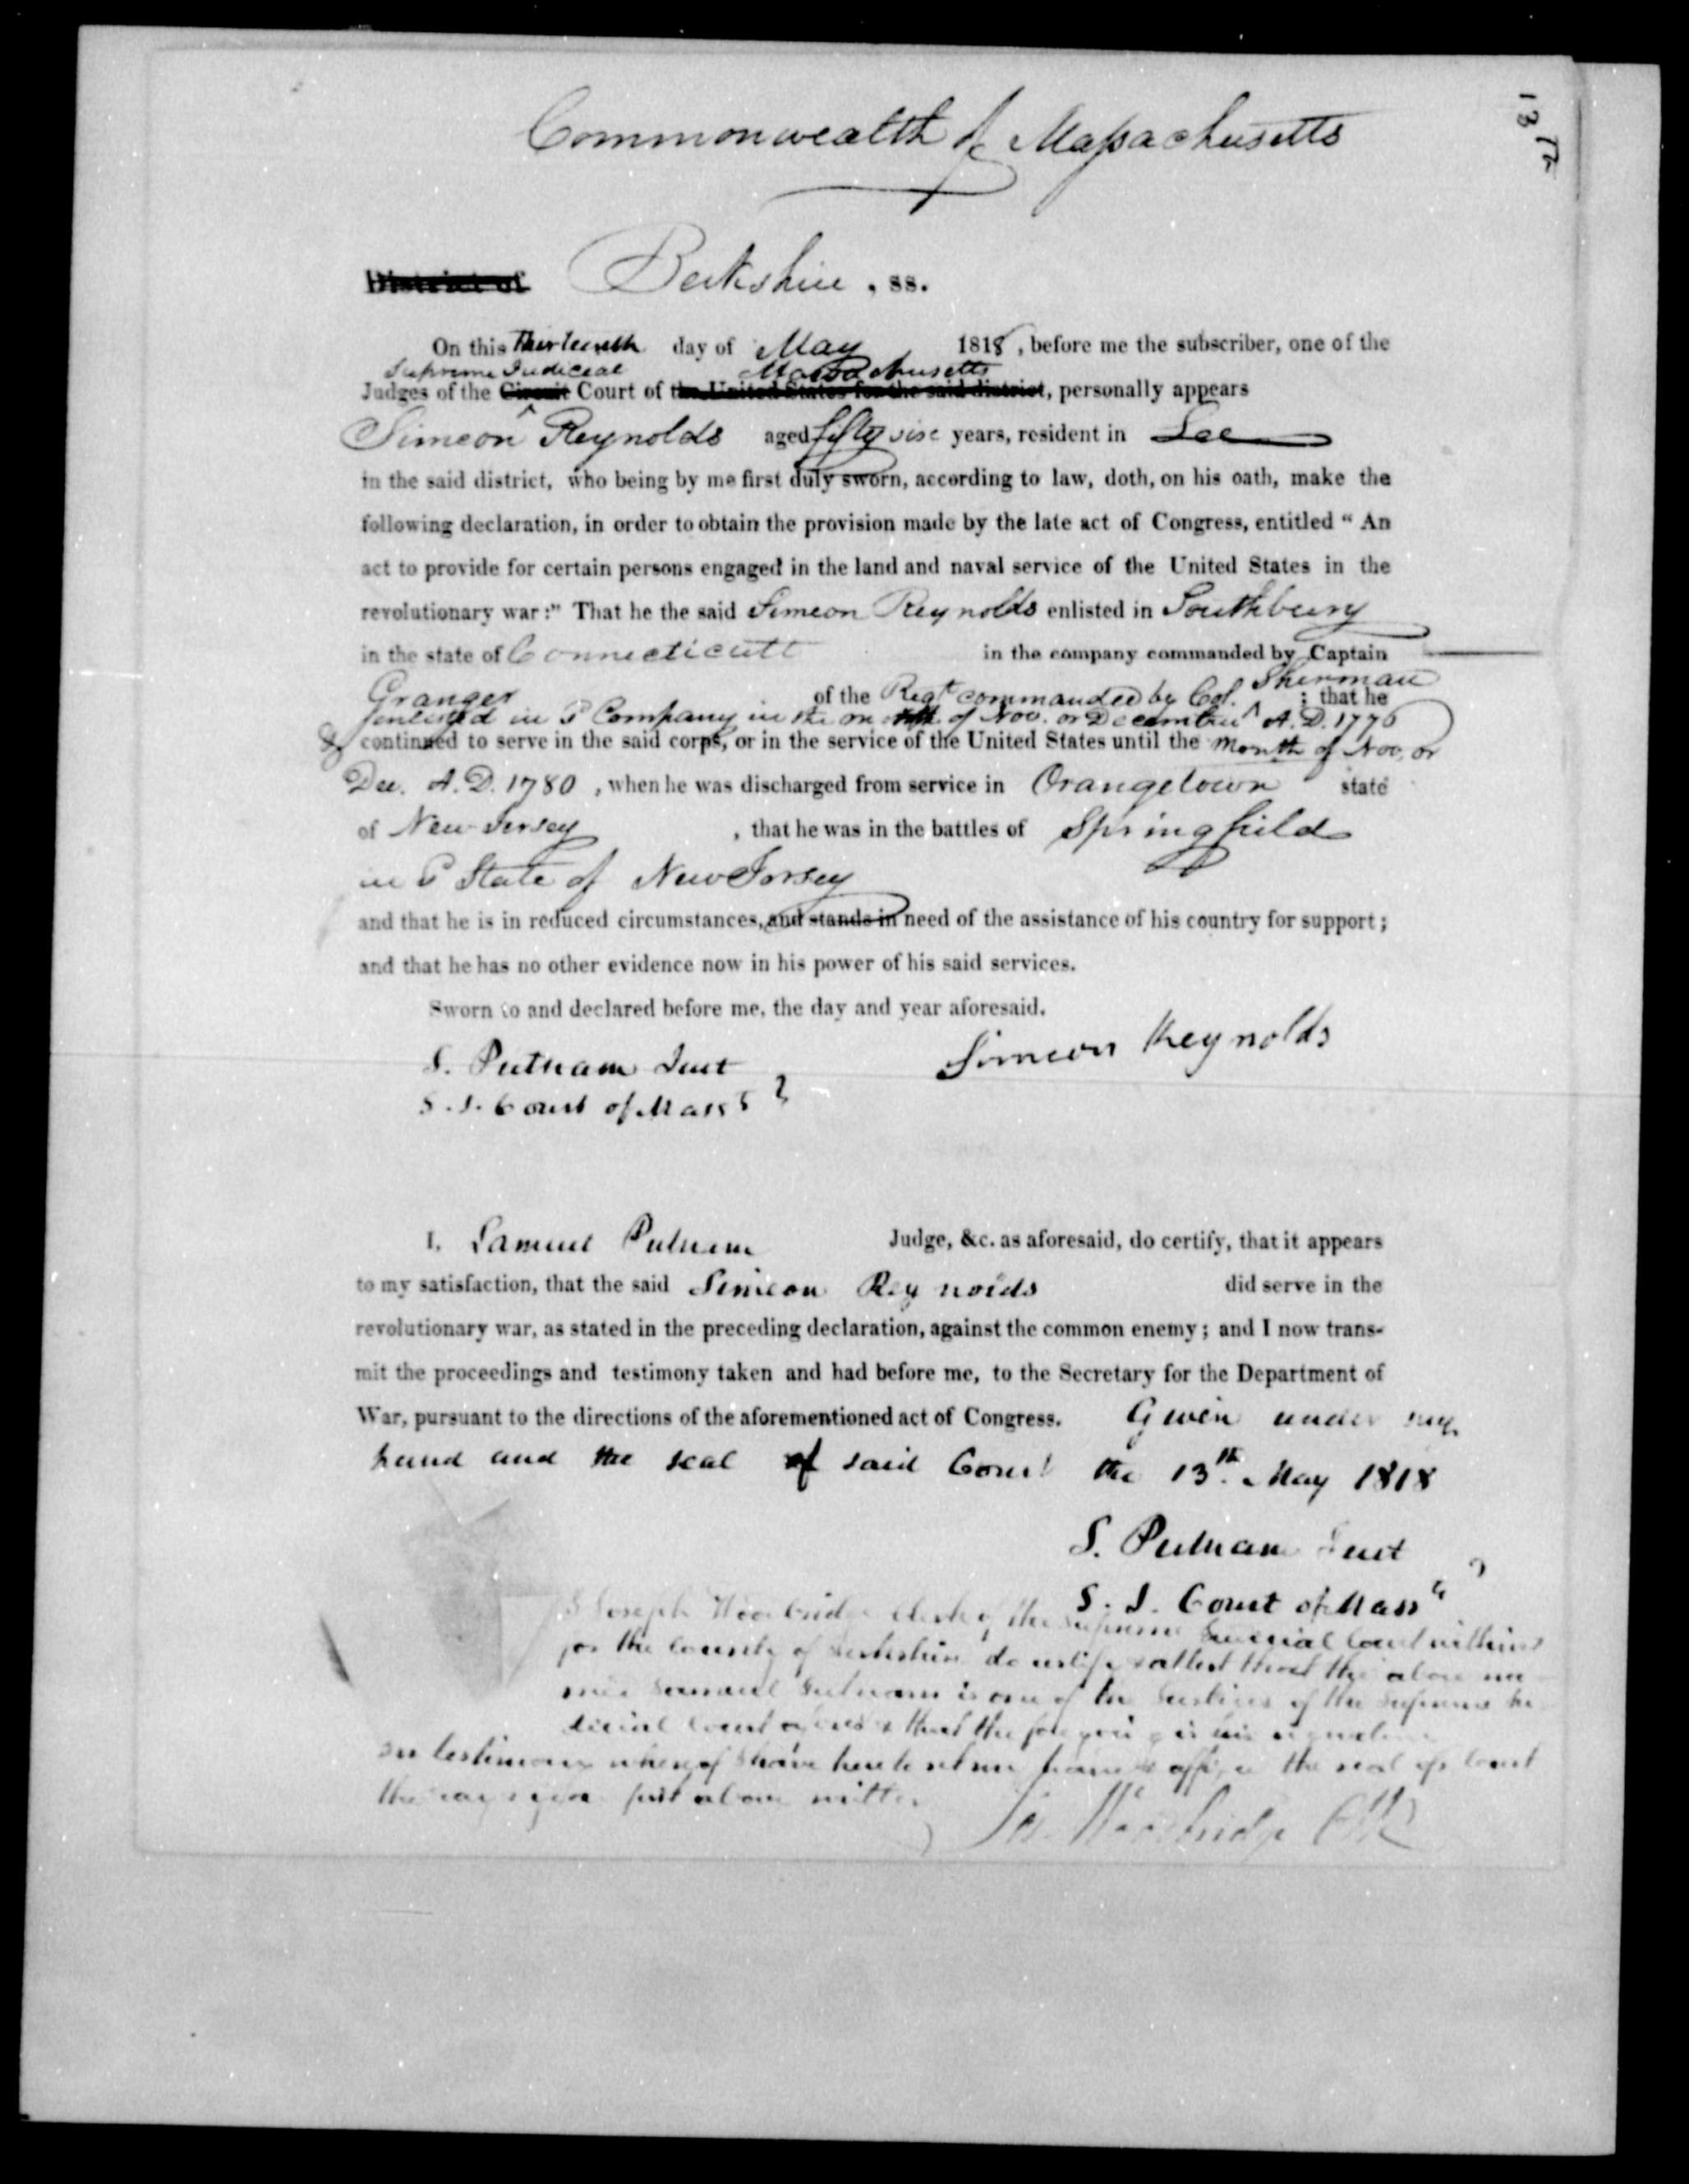Commonwealth of Massachusetts

Berkshire, ss.

On this thirteenth day of May 1818, before me the subscriber, one of the Judges pf the Supreme Judicial Court of Massachusetts, personally appears Simeon Reynolds aged fifty six years, resident in Lee in the said district, who being by me first duly sworn, according to law, doth, on his oath, make the following declaration, in order to obtain the provision made by the late act of Congress, entitled "An act to provide for certain persons engaged in the land and naval service of the United States in the revolutionary war;" That he the said Simeon Reynolds enlisted in Southbury in the state of Connecticut in the company commanded by Captain Granger of the Regt commanded by Col Sherman; that he enlisted in sd Company in the month of Nov. or December AD 1776  & continued to serve in said corps, or in the service of the united States until the month of Nov or Dec AD 1780, when he was discharged from service in Orangetown state of New Jersey, that he was the battles of Springfield in sd State of New Jersey and that he is in reduced circumstances, and stands in need of the assistance of his country for support; and that he has no other evidence now in his power of his said service.

Sworn to and declared before me, the day and year aforesaid.
 
Simeon Reynolds

S Putnam Just S.S. Court of Mass

I, Samuel Putnam Judge, &c. as aforesaid, do certify, that it appears to my satisfaction, that the said Simeon Reynolds did serve in the revolutionary war, as stated in the preceding declaration, against the common enemy; and I now transmit the proceedings and testimony taken and had before me, to the Secretary for the Department of War, pursuant to the directions of the aforementioned act of Congress. Given under hand and the seal of said Court the 13th day of May 1818.

S. Putnam Just
S. S. Court of Mass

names: Simeon Reynolds; Joseph Woodbridge; Jos Woodbridge; [BLANK] Granger; [BLANK] Sherman; Samuel Putnam; Samuel Putnam; Simeon Reynolds; S Putnam; Simeon Reynolds; S Putnam; Simeon Reynolds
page: 4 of 20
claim: survivor's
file: S. 41,094, for Simeon Reynolds, Connecticut